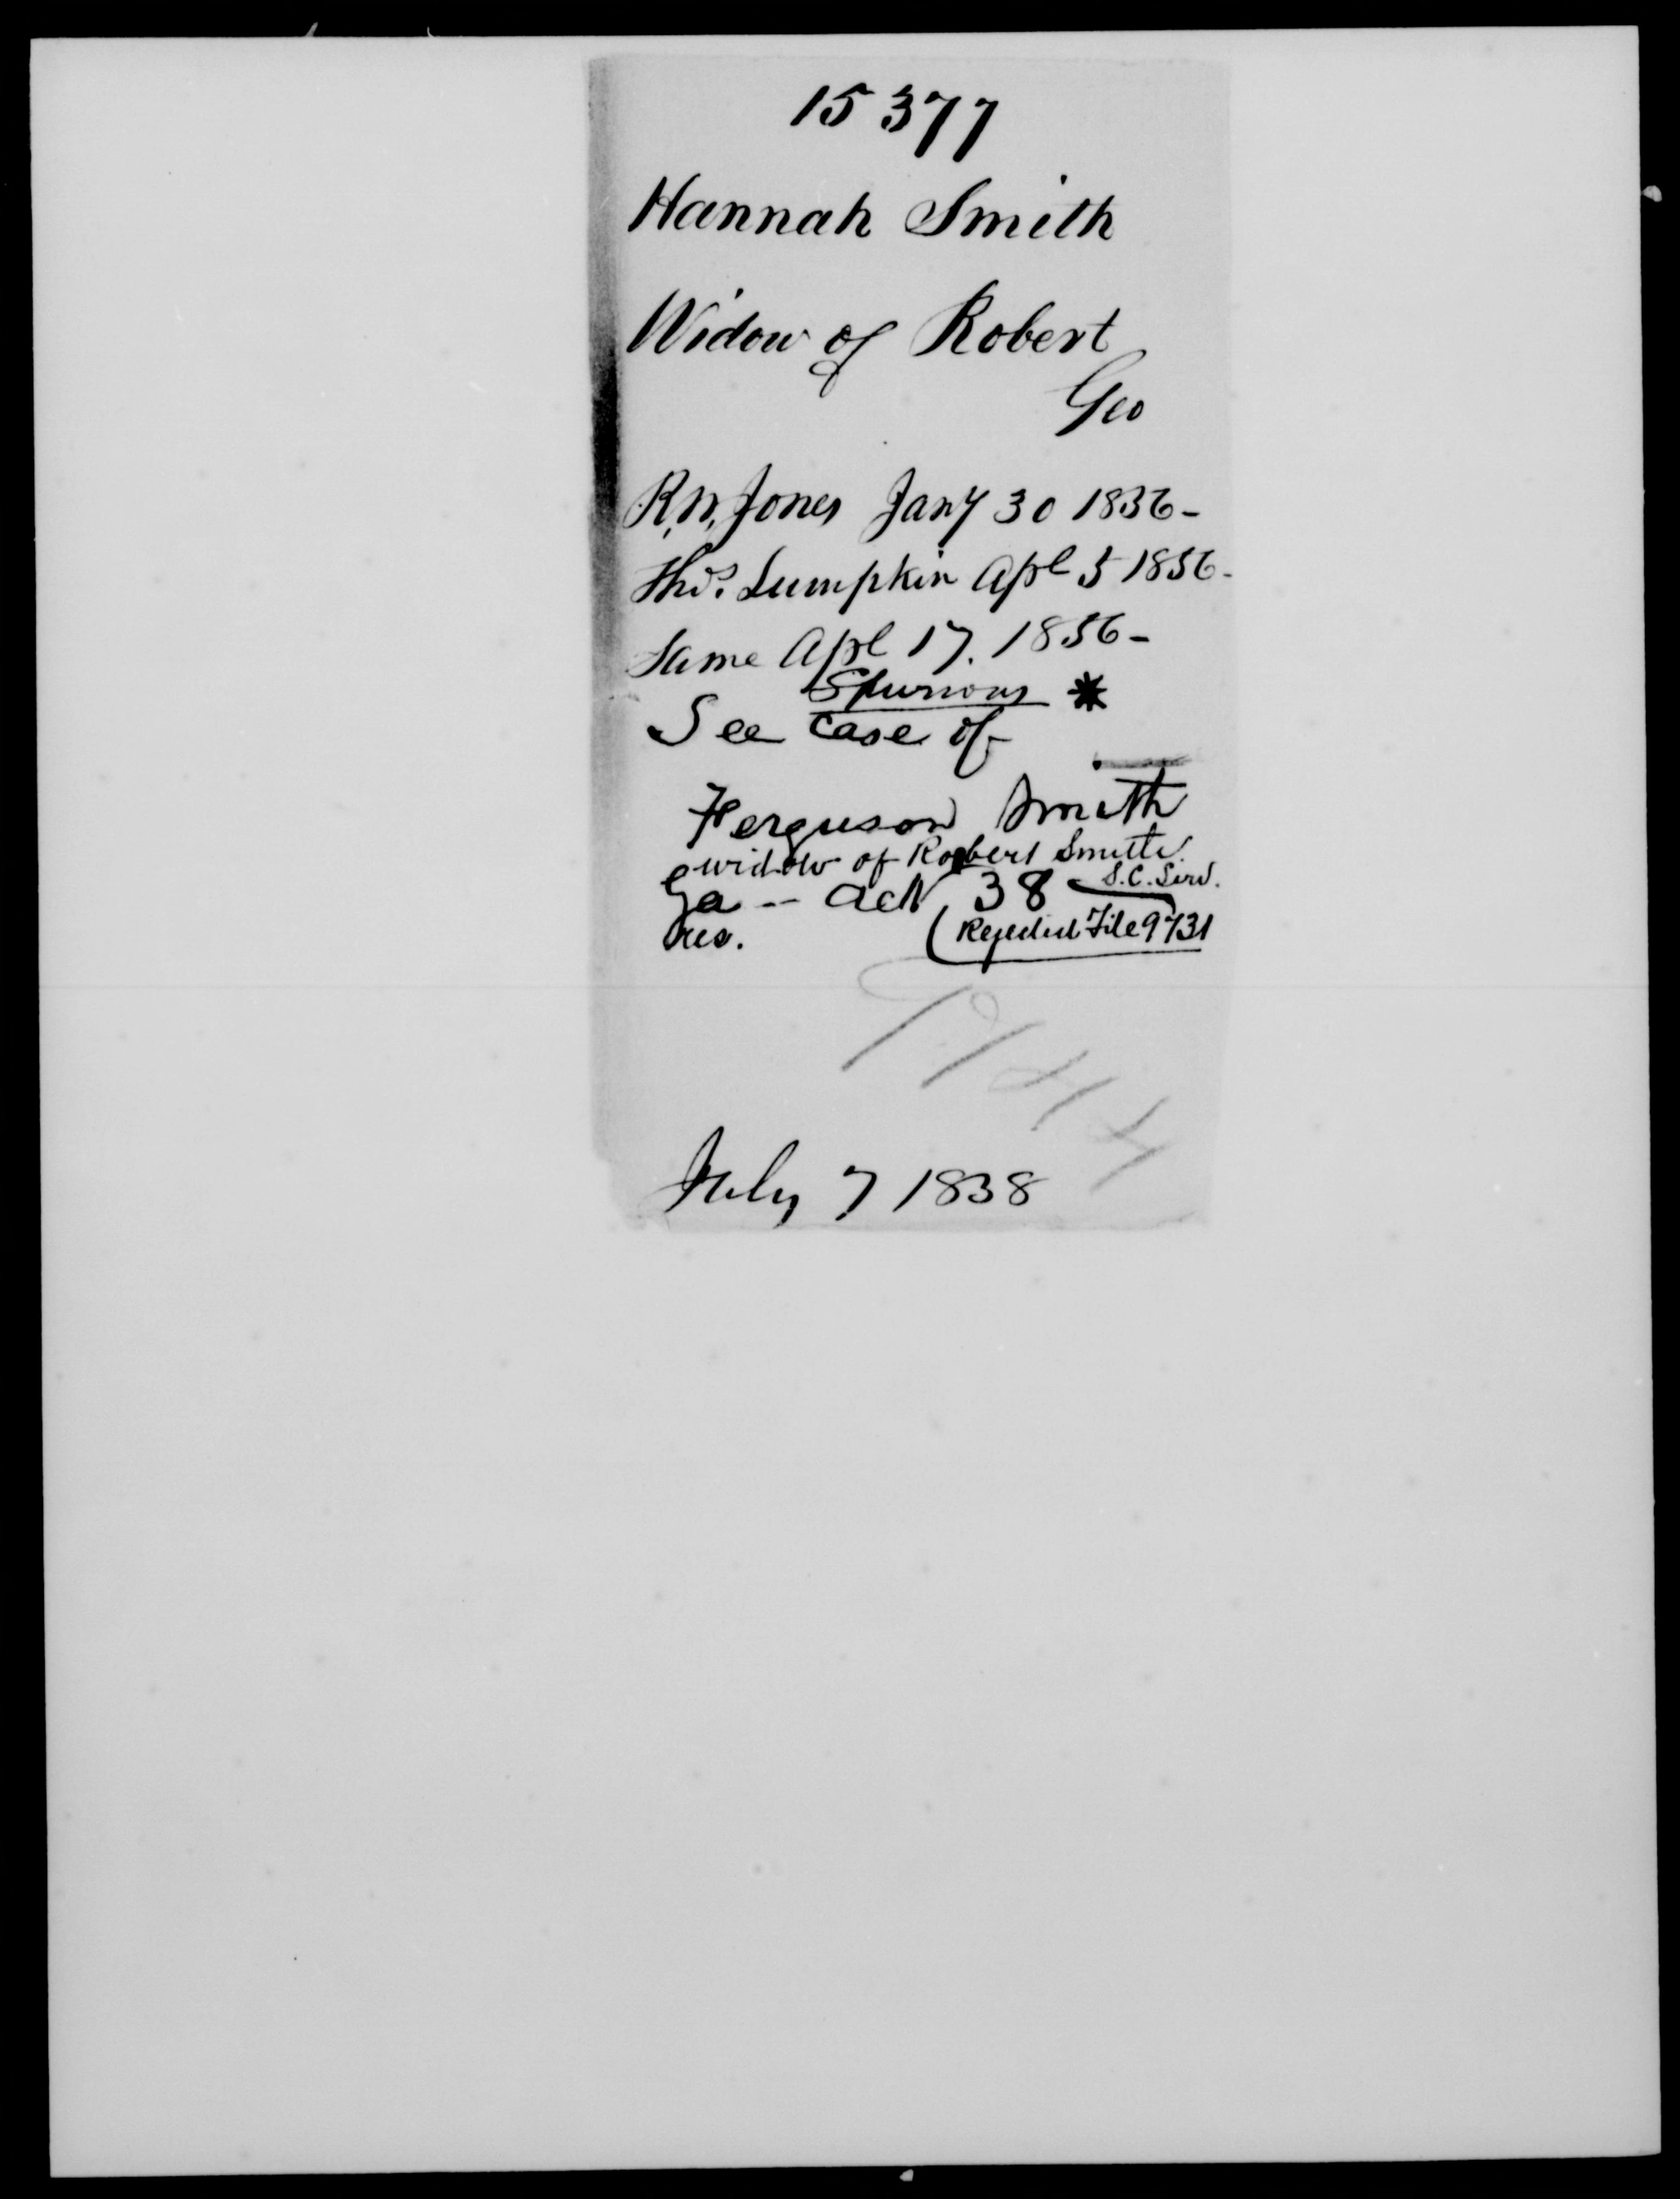15377

Hannah Smith

Widow of Robert, Geo

R W Jones - Jan 30, 1856
Thos Lumpkin - Apl 5, 1856
Same - Apl 17, 1856

See case of Ferguson Smith, widow of Robert Smith, S C Service

Act 38

Rejected File 9731

July 7, 1838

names: Ferguson Smith; R W Jones; Thos Lumpkin; Robert Smith; Robert Smith; Hannah Smith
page: 10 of 28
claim: rejected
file: R. 9744, for Robert Smith, South Carolina